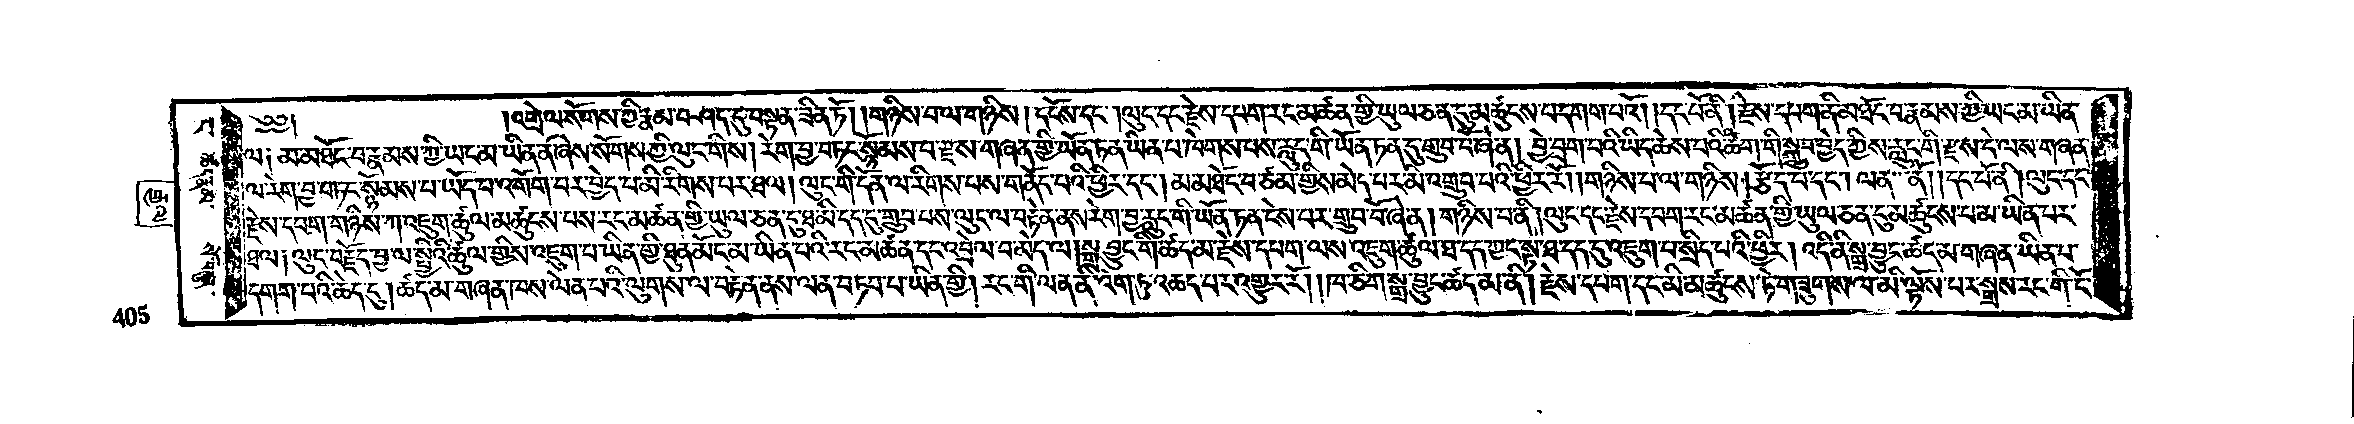༄༅། །འགྲེལ་ལ་སོགས་ཀྱི་རྣམ་བཤད་དུ་བསྟན་ཟིན་ཏོ། །གཉིས་པ་ལ་གཉིས། དངོས་དང་། ལུང་དང་རྗེས་དཔག་རང་མཚན་གྱི་ཡུལ་ཅན་དུ་མཚུངས་པ་དགག་པའོ། །དང་པོ་ནི། རྗེས་དཔག་ནི་མཐོང་བ་རྣམས་ཀྱི་ཡང་མ་ཡིན་
ལ༑ མ་མཐོང་བ་རྣམས་ཀྱི་ཡང་མ་ཡིན་ནོ་ཞེས་སོགས་ཀྱི་ལུང་གིས། རེག་བྱ་བཏང་སྙོམས་པ་རྫས་གཞན་གྱི་ཡོན་ཏན་ཡིན་པ་ཁེགས་པས་རླུང་གི་ཡོན་ཏན་དུ་གྲུབ་པོ་ཞེ་ན། བྱེ་བྲག་པའི་ཡིད་ཆེས་པའི་ཚིག་གི་སྒྲུབ་བྱེད་ཀྱིས་རླུང་གི་རྫས་དེ་ལས་གཞན་
ལ་རེག་བྱེ་བཏང་སྙོམས་པ་ཡོད་པ་འགོག་པར་བྱེད་པ་མི་རིགས་པར་ཐལ། ལུང་གི་དོན་ལ་རིགས་པས་གནོད་པའི་ཕྱིར་དང་། མ་མཐོང་བ་ཙམ་གྱིས་མེད་པར་མི་འགྲུབ་པའི་ཕྱིར་རོ། །གཉིས་པ་ལ་གཉིས། རྩོད་པ་དང་། ལན་ནོ། །དང་པོ་ནི། ལུང་དང་
རྗེས་དཔག་གཉིས་ཀ་འཇུག་ཚུལ་མཚུངས་པས་རང་མཚན་གྱི་ཡུལ་ཅན་དུ་ཐ་མི་དད་དུ་གྲུབ་པས་ལུང་ལ་བརྟེན་ནས་རེག་བྱ་རླུང་གི་ཡོན་ཏན་ངེས་པར་གྲུབ་བོ་ཞེ་ན། གཉིས་པ་ནི། ལུང་དང་རྗེས་དཔག་རང་མཚན་གྱི་ཡུལ་ཅན་དུ་མཚུངས་པ་མ་ཡིན་པར་
ཐལ། ལུང་བརྗོད་བྱ་ལ་སྤྱིའི་ཚུལ་གྱིས་འཇུག་པ་ཡིན་གྱི་ཐུན་མོང་མ་ཡིན་པའི་རང་མཚན་དང་འབྲེལ་བ་མེད་ལ། སྒྲ་བྱུང་གི་ཚད་མ་རྗེས་དཔག་ལས་འཇུག་ཚུལ་ཐ་དད་ཀྱང་སྟེ་ཐ་དད་དུ་འཇུག་པ་སྲིད་པའི་ཕྱིར། འདི་ནི་སྒྲ་བྱུང་ཚད་མ་གཞན་ཡིན་པ་
དགག་པའི་ཆེད་དུ། ཚད་མ་གཞན་ཁས་ལེན་པའི་ལུགས་ལ་བརྟེན་ནས་ལན་བཏབ་པ་ཡིན་གྱི། རང་གི་ལན་ནི་འོག་ཏུ་འཆད་པར་འགྱུར་རོ། །ཁ་ཅིག་སྒྲ་བྱུང་ཚད་མ་ནི། རྗེས་དཔག་དང་མི་མཚུངས་ཏེ་གཟུགས་ལ་མི་ལྟོས་པར་སྒྲས་རང་གི་ངོ་